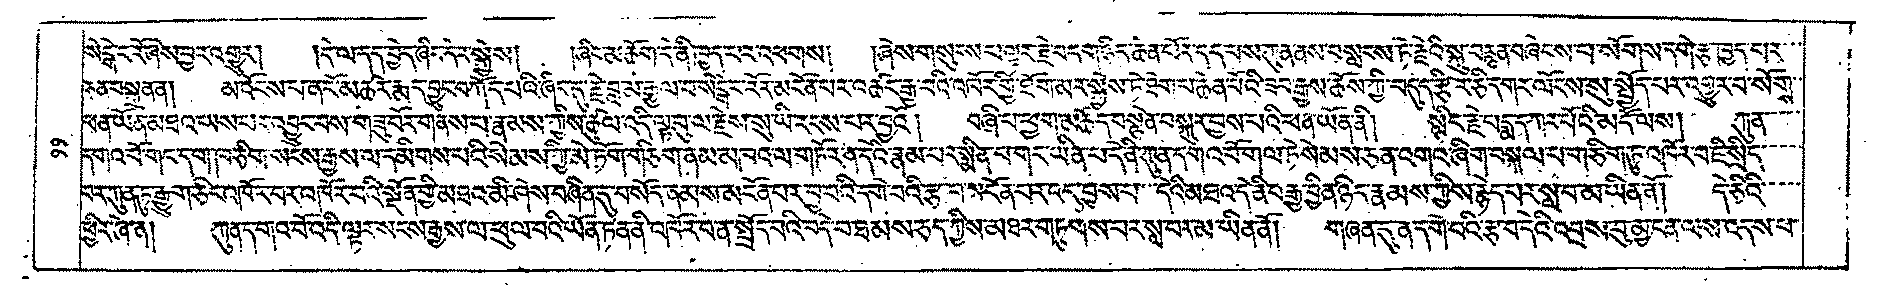སེངྒེ་ང་རོ་ཞེས་བྱར་འགྱུར། །དེ་ལ་དད་བྱེད་ཞིང་དེར་སྐྱེས། །ཞིང་མཆོག་དེ་ནི་ཁྱད་པར་འཕགས། །ཞེས་གསུངས་པ་ལྟར་རྗེ་བདག་ཉིད་ཆེན་པོར་དད་པས་ཀུན་ནས་བསླངས་ཏེ་རྗེའི་སྐུ་བརྙན་བཞེངས་པ་སོགས་དགེ་རྩ་ཁྱད་པར་
ཅན་བསྐྲུན་ན། མ་འོངས་པ་ན་ངོ་མཚར་རྨད་བྱུང་བཀོད་པའི་ཞིང་དུ་རྗེ་བླ་མ་རྒྱལ་བ་སེངྒེ་ང་རོར་མངོན་པར་འཚང་རྒྱ་བའི་འཁོར་གྱི་ཐོག་མར་སྐྱེས་ཏེ་ཐེག་པ་ཆེན་པོའི་ཟབ་རྒྱས་ཆོས་ཀྱི་བདུད་རྩིར་ཅི་དགར་ལོངས་སུ་སྤྱོད་པར་འགྱུར་བ་སོགས་
ཕན་ཡོན་མཐའ་ཡས་པར་འབྱུང་བས་གཟུ་བོར་གནས་པ་རྣམས་ཀྱིས་ཚུལ་འདི་ལྟ་བུ་ལ་རྗེས་སུ་ཡི་རངས་པར་བྱའོ། བཞི་པ་ཕྱག་མཆོད་བསྙེན་བསྐུར་བྱས་པའི་ཕན་ཡོན་ནི། སྙིང་རྗེ་པདམ་དཀར་པོའི་མདོ་ལས། ཀུན་
དགའ་བོ་གང་དག་ཁ་ཅིག་སངས་རྒྱས་ལ་དམིགས་པའི་སེམས་ཀྱི་མེ་ཏོག་གཅིག་ནམ་མཁའ་ལ་གཏོར་ན་དེའི་རྣམ་པར་སྨིན་པ་གང་ཡིན་པ་དེ་ནི་ཀུན་དགའ་བོ་གལ་ཏེ་སེམས་ཅན་འགའ་ཞིག་བསྐལ་པ་གཅིག་ཏུ་འཁོར་བ་ཇི་སྲིད་
བར་ཀུན་ཏུ་རྒྱུག་ཅིང་འཁོར་བར་འཁོར་བའི་སྔོན་གྱི་མཐའ་མི་ཤེས་བཞིན་དུ་བསོད་ནམས་མངོན་པར་བྱ་བའི་དགེ་བའི་རྩ་བ་མངོན་པར་འདུ་བྱས་པ་དེའི་མཐའ་དེ་ནི་བརྒྱ་བྱིན་ཉིད་རྣམས་ཀྱིས་རྙེད་པར་སླ་བ་མ་ཡིན་ནོ། དེ་ཅིའི་
ཕྱིར་ཞེ་ན། ཀུན་དགའ་བོ་འདི་ལྟར་སངས་རྒྱས་ལ་ཕུལ་བའི་ཡོན་ཏན་ནི་འཁོར་བ་ན་སྤྲོད་པའི་བདེ་བ་ཐམས་ཅད་ཀྱིས་མཐར་གཏུགས་པར་སླ་བར་མ་ཡིན་ནོ། གཞན་དུ་ན་དགེ་བའི་རྩ་བ་དེའི་འབྲས་བུ་མྱ་ངན་ལས་འདས་པ་